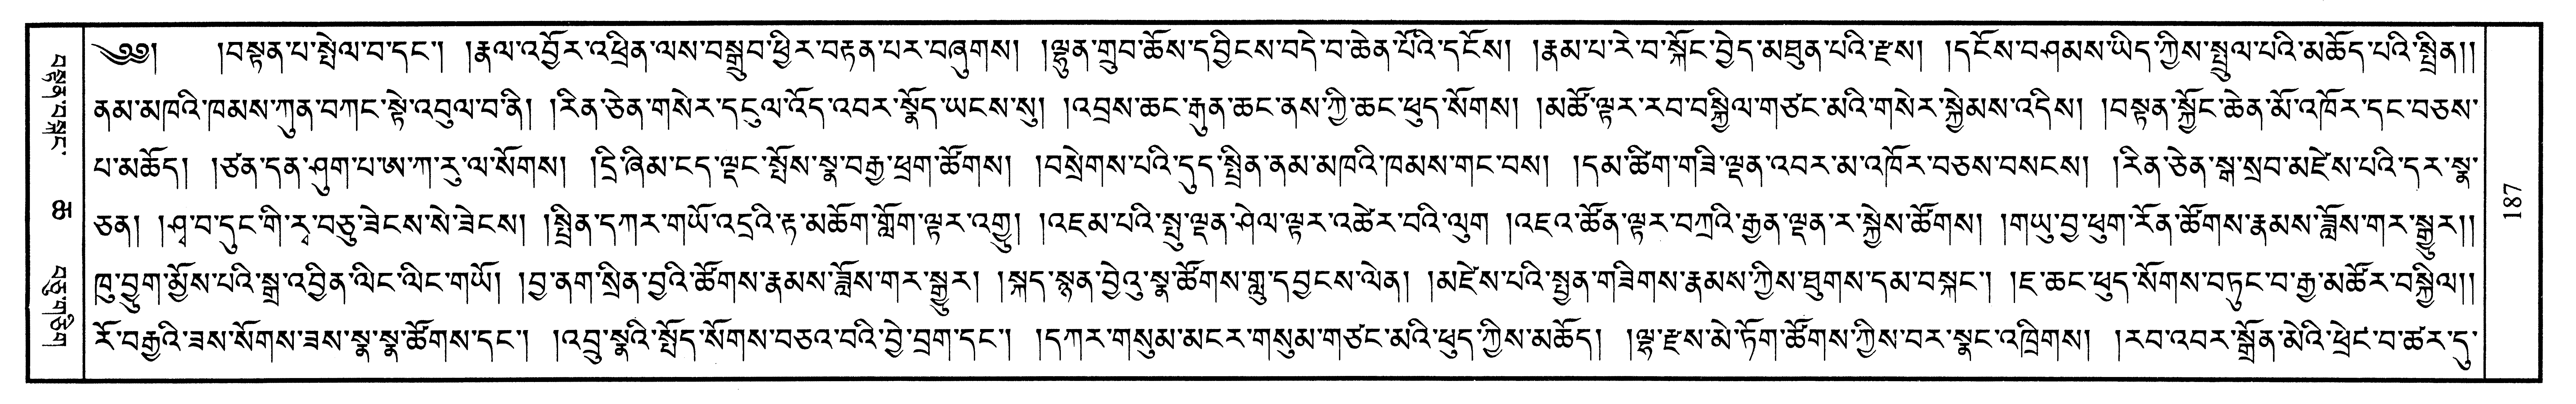༄༅། །བསྟན་པ་སྤེལ་བ་དང་། །རྣལ་འབྱོར་འཕྲིན་ལས་བསྒྲུབ་ཕྱིར་བརྟན་པར་བཞུགས། །ལྷུན་གྲུབ་ཆོས་དབྱིངས་བདེ་བ་ཆེན་པོའི་དངོས། །རྣམ་པ་རེ་བ་སྐོང་བྱེད་མཐུན་པའི་རྫས། །དངོས་བཤམས་ཡིད་ཀྱིས་སྤྲུལ་པའི་མཆོད་པའི་སྤྲིན།།
ནམ་མཁའི་ཁམས་ཀུན་བཀང་སྟེ་འབུལ་བ་ནི། །རིན་ཅེན་གསེར་དངུལ་འོད་འབར་སྣོད་ཡངས་སུ། །འབྲས་ཆང་རྒུན་ཆང་ནས་ཀྱི་ཆང་ཕུད་སོགས། །མཚོ་ལྟར་རབ་བསྐྱིལ་གཙང་མའི་གསེར་སྐྱེམས་འདིས། །བསྟན་སྐྱོང་ཆེན་མོ་འཁོར་དང་བཅས་
པ་མཆོད། །ཙན་དན་ཤུག་པ་ཨ་ཀ་རུ་ལ་སོགས། །དྲི་ཞིམ་ངད་ལྡང་སྤོས་སྣ་བརྒྱ་ཕྲག་ཚོགས། །བསྲེགས་པའི་དུད་སྤྲིན་ནམ་མཁའི་ཁམས་གང་བས། །དམ་ཚིག་གཟི་ལྡན་འབར་མ་འཁོར་བཅས་བསངས། །རིན་ཅེན་སྒ་སྲབ་མཛེས་པའི་དར་སྣ་
ཅན། །ཤྭ་བ་དུང་གི་རྭ་བཅུ་ཟེངས་སེ་ཟེངས། །སྤྲིན་དཀར་གཡོ་འདྲའི་རྟ་མཆོག་གློག་ལྟར་འགྱུ། །འཇམ་པའི་སྤུ་ལྡན་ཤེལ་ལྟར་འཚེར་བའི་ལུག །འཇའ་ཚོན་ལྟར་བཀྲའི་རྒྱན་ལྡན་ར་སྐྱེས་ཚོགས། །གཡུ་བྱ་ཕུག་རོན་ཚོགས་རྣམས་ཟློས་གར་སྒྱུར།།
ཁུ་བྱུག་མྱོས་པའི་སྒྲ་འབྱིན་ལིང་ལིང་གཡོ། །བྱ་ནག་སྲིན་བྱའི་ཚོགས་རྣམས་ཟློས་གར་སྒྱུར། །སྐད་སྙན་བྱེའུ་སྣ་ཚོགས་གླུ་དབྱངས་ལེན། །མཛེས་པའི་སྤྱན་གཟིགས་རྣམས་ཀྱིས་ཐུགས་དམ་བསྐང་། །ཇ་ཆང་ཕུད་སོགས་བཏུང་བ་རྒྱ་མཚོར་བསྐྱིལ།།
རོ་བརྒྱའི་ཟས་སོགས་ཟས་སྣ་སྣ་ཚོགས་དང་། །འབྲུ་སྣའི་སྤོད་སོགས་བཅའ་བའི་བྱེ་བྲག་དང་། །དཀར་གསུམ་མངར་གསུམ་གཙང་མའི་ཕུད་ཀྱིས་མཆོད། །ལྷ་རྫས་མེ་ཏོག་ཚོགས་ཀྱིས་བར་སྣང་འཁྲིགས། །རབ་འབར་སྒྲོན་མེའི་ཕྲེང་བ་ཚར་དུ་